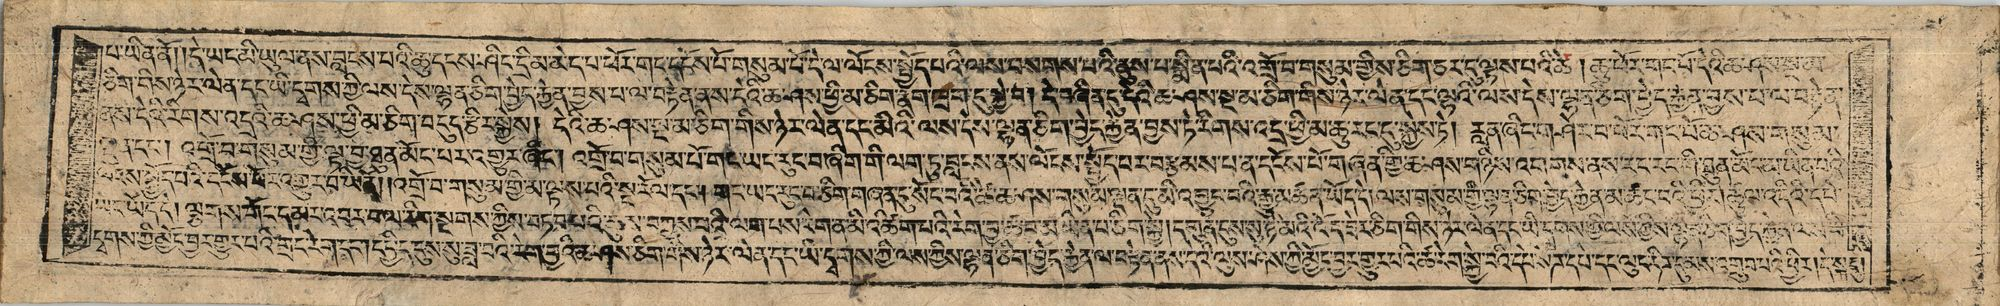པ་ཡིན་ནོ། །དེ་ཡང་མི་ཡུལ་ནས་བླངས་པའི་ཆུ་དང་ས་ཤིང་དྲི་མ་མེད་པ་ཕོར་གང་དངོས་པོ་གསུམ་པོ་དེ་ལ་ལོངས་སྤྱོད་པའི་ལས་བསགས་པའི་ནུས་པ་སྨིན་པའི་འགྲོ་བ་གསུམ་གྱིས་ཅིག་ཅར་དུ་བལྟས་པའི་ཚེ། ཆུ་ཕོར་གང་པོ་དེའི་ཆ་ཤས་སྔ་མ་
ཅིག་གིས་ཉེར་ལེན་དང་ཡི་དྭགས་ཀྱི་ལས་དེས་ལྷན་ཅིག་བྱེད་རྐྱེན་བྱས་པ་ལ་བརྟེན་ནས་དེའི་ཆ་ཤས་ཕྱི་མ་ཅིག་རྣག་ཁྲག་དུ་སྐྱེ་བ། དེ་བཞིན་དུ་དེའི་ཆ་ཤས་སྔ་མ་ཅིག་གིས་ཉེར་ལེན་དང་ལྷའི་ལས་དེས་ལྷན་ཅིག་བྱེད་རྐྱེན་བྱས་པ་ལ་བརྟེན་
ནས་དེའི་རིགས་འདྲའི་ཆ་ཤས་ཕྱི་མ་ཅིག་བདུད་རྩིར་སྐྱེས། དེའི་ཆ་ཤས་སྔ་མ་ཅིག་གིས་ཉེར་ལེན་དང་མིའི་ལས་དེས་ལྷན་ཅིག་བྱེད་རྐྱེན་བྱས་ཏེ་རིགས་འདྲ་ཕྱི་མ་ཆུ་རང་དུ་སྐྱེས་ཏེ། རླནྮིང་གཤེར་བ་ཕོར་གང་པོ་ཆ་ཤས་གསུམ་
ལྡན་དང་། འགྲོ་བ་གསུམ་གྱི་ལྟ་བྱ་ཐུན་མོང་བར་འགྱུར་ཞིང་། འགྲོ་བ་གསུམ་པོ་གང་ཡང་རུང་བ་ཞིག་གི་ལག་ཏུ་བླངས་ནས་ལོངས་སྤྱོད་པར་བརྩམས་པ་ན་དངོས་པོ་གཞན་གྱི་ཆ་ཤས་གཉིས་འགགས་ནས་རང་རང་གི་ཐུན་མོང་མ་ཡིན་པའི་
ལོངས་སྤྱོད་པའི་དངོས་པོར་འགྱུར་བ་ཡིན། །འགྲོ་བ་གསུམ་གྱིས་མ་བལྟས་པའི་སྔ་རོལ་དང་། གང་ཡང་རུང་བ་ཅིག་གཞན་དུ་སོང་བའི་ཚེ་ཆ་ཤས་གསུམ་ལྡན་དུ་མི་འབྱུང་བའི་རྒྱུ་མཚན་ཡོད་དེ། ལས་གསུམ་གྱི་ལྷན་ཅིག་བྱེད་རྐྱེན་མ་ཚང་བའི་ཕྱིར། ཚུལ་འདིའི་དཔེ་
ཡང་ཡོད་དེ། ལྕགས་གོང་དམར་འབར་བ་ལ་རིག་སྔགས་ཀྱིས་བཏབ་པའི་ཆུས་བཀྲུས་པའི་ལག་པས་རེག་ན་མི་འཚིག་པའི་རེག་བྱ་ཚ་བ་མ་ཡིན་པ་ཅིག་སྐྱེ། དགུན་དུས་སུ་ཉི་མའི་འོད་ཟེར་ཅིག་གིས་ཉེར་ལེན་དང་ཡི་དྭགས་ཀྱི་ལས་གྱིས་ལྷན་ཅིག་བྱེད་རྐྱེན་ལས་ཡི་
དྭགས་ཀྱི་མྱོང་བྱར་གྱུར་པའི་གྲང་རེག་དང་། དཔྱིད་དུས་སུ་ཟླ་བའི་རེག་བྱའི་ཆ་ཤས་ཅིག་གིས་ཉེར་ལེན་དང་ཡི་དྭགས་ཀྱི་ལས་ཀྱིས་ལྷན་ཅིག་བྱེད་རྐྱེན་ལ་བརྟེན་ནས་དེའི་ལུས་ཤེས་ཀྱི་མྱོང་བྱར་གྱུར་པའི་ཚ་རེག་སྐྱེ་བའི་དཔེ་སོཌ་དཔེ་དང་ལུང་རིཌ་དུ་མས་འགྲུབ་པའི་ཕྱིར། དེ་སྐད་དུ་